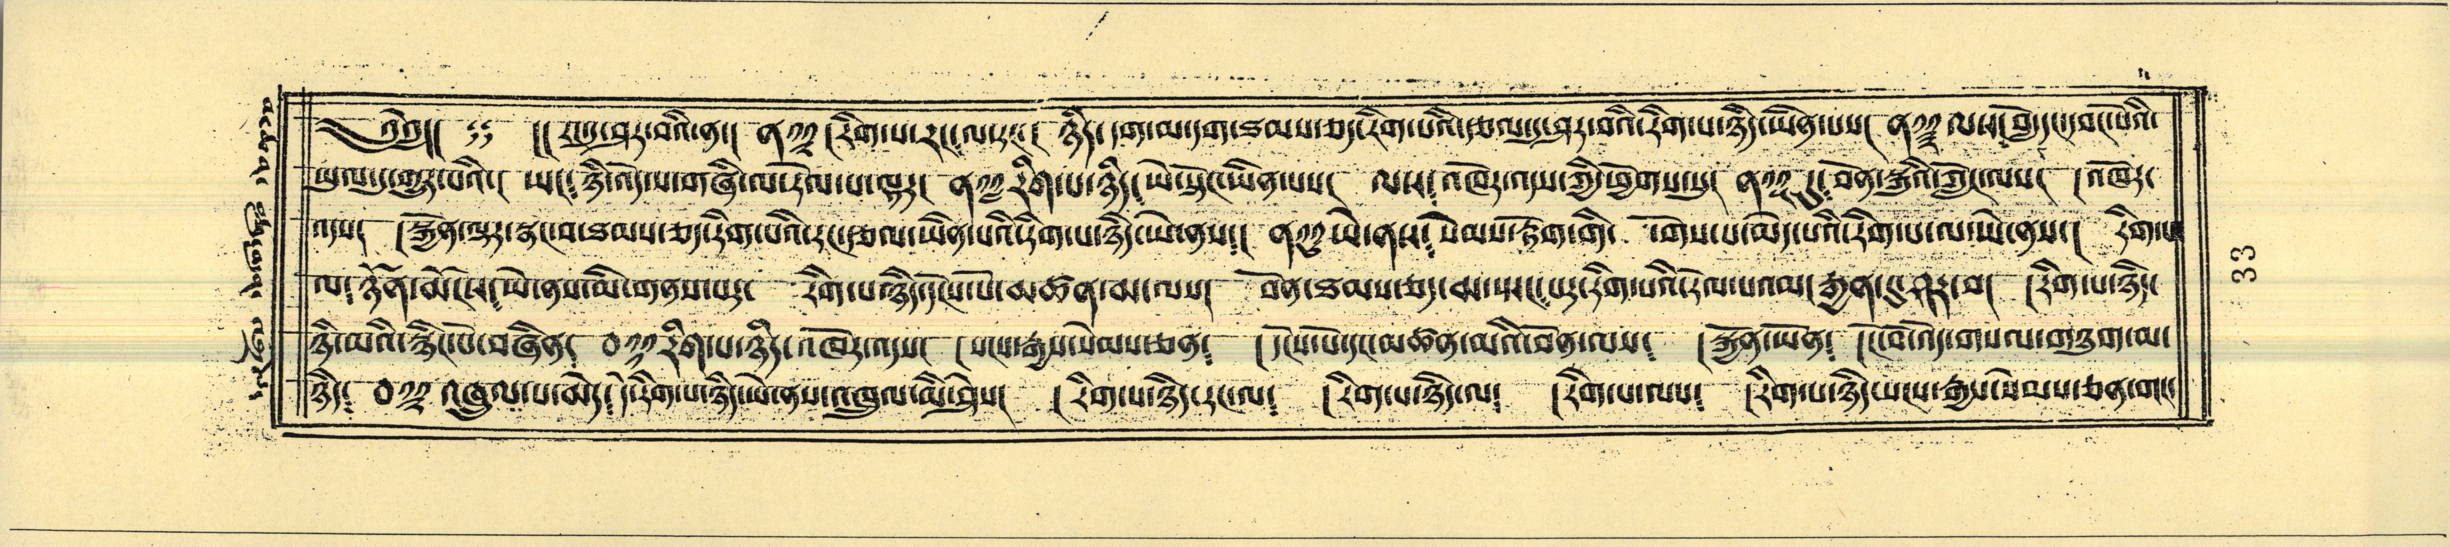༼རང་དུ་ཤར་བས་ན༽ན༡༡།༢ ༼རིག་པ༽རང་༼ལ་རང་༽ཉིད་༼དག་མ་དག་ཐམས་ཅད་རིག་པའི་རྩལ་དུ་ཤར་བའི་རིག་པ་ཉིད་ཡིན་པས༽ ན༡༡།༣ལས། བློ་དང་དབང་པོའི་
ཡུལ་དུ་གྱུར་པའི་ ཡང་ཉི་འོད་ས་གཞི་ལ་རོལ་པ་ལྟར་ ན༡༡།༤ རིག་པ་ཉིད་༼ཡེ་སྟོང་ཡིན་པས༽ལས་༼འཁོར་འདས་ཀྱི་ཕྱོགས་སུ༽ ན༡༡།༥དུ་བོན་སྐུའི་ཀློང་ལས། འཁོར་
འདས། སྐྱོན་ལྟར་སྣང་བ་ཐམས་ཅད་རིག་པའི་རང་རྩལ་ཡིན་པས་རིག་པ་ཉིད་ཡེ་ནས༽ ན༡༡།༦ ཡེ་ནས་སེམས་རྟོག་གི་ དོགས་པ་མེད་པའི་རིག་པ་ལ་ཡེ་ནས། རིག་པ་
ལ་ ཉོན་མོངས་༼ཡེ་ནས་མི་གནས་པར༽རིག་པ་ཉིད་དངོས་པོ་༼མཚན་མ༽ལས། བོན་ཐམས་ཅད་༼མ་སྤངས་པར་རིག་པའི་རོལ་པའམ༽རྒྱན་དུ་ཤར་བ་ རིག་པ་ཉིད་
ཉི་མའི་སྙིང་པོ་བཞིན་ བ༡༡།༡ རིག་པ་ཉིད་འཁོར་འདས། སངས་རྒྱས་སེམས་ཅན། དངོས་པོ་དང་མཚན་མའི་བོན་ལས། སྐྱོན་ཡོན། ངོ་བོ་འོད་གསལ་གཉུག་མ་
ཉིད བ༡༡།༢ འཁྲུལ་པ་མེད་ དེ་རིག་པ་ཉིད་ཡེ་ནས་འཁྲུལ་མི་ཤེས། རིག་པ་ཉིད་རང་ལ། རིག་པ་ཉིད་ལ། རིག་པ་ལས། རིག་པ་ཉིད་སངས་རྒྱས་སེམས་ཅན་གང་